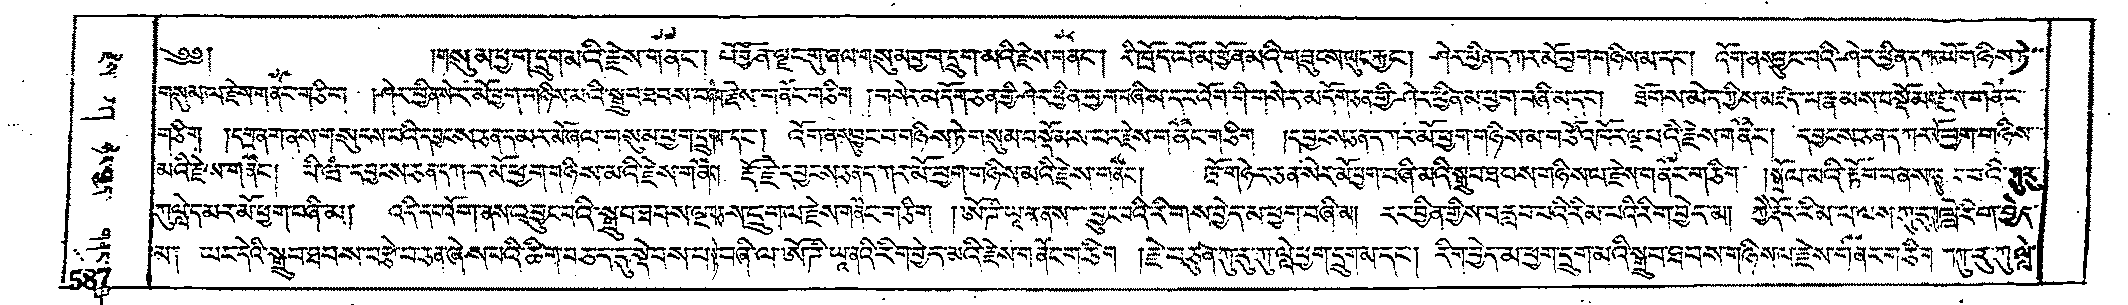༄༅། །གསུམ་ཕྱག་དྲུག་མའི་རྗེས་གནང་། ལོ་གྱོན་ལྗང་གུ་ཞལ་གསུམ་ཕྱག་དྲུག་མའི་རྗེས་གནང་། རི་ཁྲོད་ལོ་མ་གྱོན་མའི་གཟུངས་ལུང་རྐྱང་། ཤེར་ཕྱིན་དཀར་མོ་ཕྱག་གཉིས་མ་དང་། འོག་ནས་བྱུང་བའི་ཤེར་ཕྱིན་དཀར་མོ་གཉིས་ཏེ་
གསུམ་ལ་རྗེས་གནང་གཅིག །ཤེར་ཕྱིན་སེར་མོ་ཕྱག་གཉིས་མའི་སྒྲུབ་ཐབས་བཞི་ལ་རྗེས་གནང་གཅིག །གསེར་མདོག་ཅན་གྱི་ཤེར་ཕྱིན་ཕྱག་བཞི་མ་དང་འོག་གི་གསེར་མདོག་ཅན་གྱི་ཤེར་ཕྱིན་མ་ཕྱག་བཞི་མ་དང་། ཐོགས་མེད་ཀྱིས་མཛད་པ་རྣམས་བསྡོམས་རྗེས་གནང་
གཅིག །དགྲ་ནག་ནས་གསུངས་པའི་དབྱངས་ཅན་དམར་མོ་ཞལ་གསུམ་ཕྱག་དྲུག་མ་དང་། འོག་ནས་བྱུང་བ་གཉིས་ཏེ་གསུམ་བསྡོམས་པར་རྗེས་གནང་གཅིག །དབྱངས་ཅན་དཀར་མོ་ཕྱག་གཉིས་མ་གཙོ་འཁོར་ལྔ་པའི་རྗེས་གནང་། དབྱངས་ཅན་དཀར་མོ་ཕྱག་གཉིས་
མའི་རྗེས་གནང་། པི་ཝཾ་དབྱངས་ཅན་དཀར་མོ་ཕྱག་གཉིས་མའི་རྗེས་གནང་། རྡོ་རྗེ་དབྱངས་ཅན་དཀར་མོ་ཕྱག་གཉིས་མའི་རྗེས་གནང་། ཁྲོ་གཉེར་ཅན་སེར་མོ་ཕྱག་བཞི་མའི་སྒྲུབ་ཐབས་གཉིས་ལ་རྗེས་གནང་གཅིག །སྒྲོལ་མའི་རྟོག་པ་ནས་འབྱུང་བའི་ཀུ་རུ་
ཀུལླེ་དམར་མོ་ཕྱག་བཞི་མ། འདི་དང་འོག་ནས་འབྱུང་བའི་སྒྲུབ་ཐབས་ལྔ་བཅས་དྲུག་ལ་རྗེས་གནང་གཅིག །ཨོ་ཌི་ཡཱ་ན་ནསྦྱུང་བའི་རིགས་བྱེད་མ་ཕྱག་བཞི་མ། རང་བྱིན་གྱིས་བརླབ་པའི་རིམ་པའི་རིག་བྱེད་མ། ཀྱཻ་རྡོར་རིམ་པ་ལས་ཀུ་རུ་ཀུ་ལླེ་རིག་བྱེད་
མ༑ ཡང་དེའི་སྒྲུབ་ཐབས་བརྩེ་བ་ཅན་ཞེས་པའི་ཚིག་བཅད་དུ་སྡེབས་པ་སྟེ་བཞི་ལ་ཨོ་ཌི་ཡཱ་ནའི་རིག་བྱེད་མའི་རྗེས་གནང་གཅིག །རྗེ་བཙུན་ཀུ་རུ་ཀུ་ལླེ་ཕྱག་དྲུག་མ་དང་། རིག་བྱེད་མ་ཕྱག་དྲུག་མའི་སྒྲུབ་ཐབས་གཉིས་ལ་རྗེས་གནང་གཅིག །ཀུ་རུ་ཀུ་ལླེ་